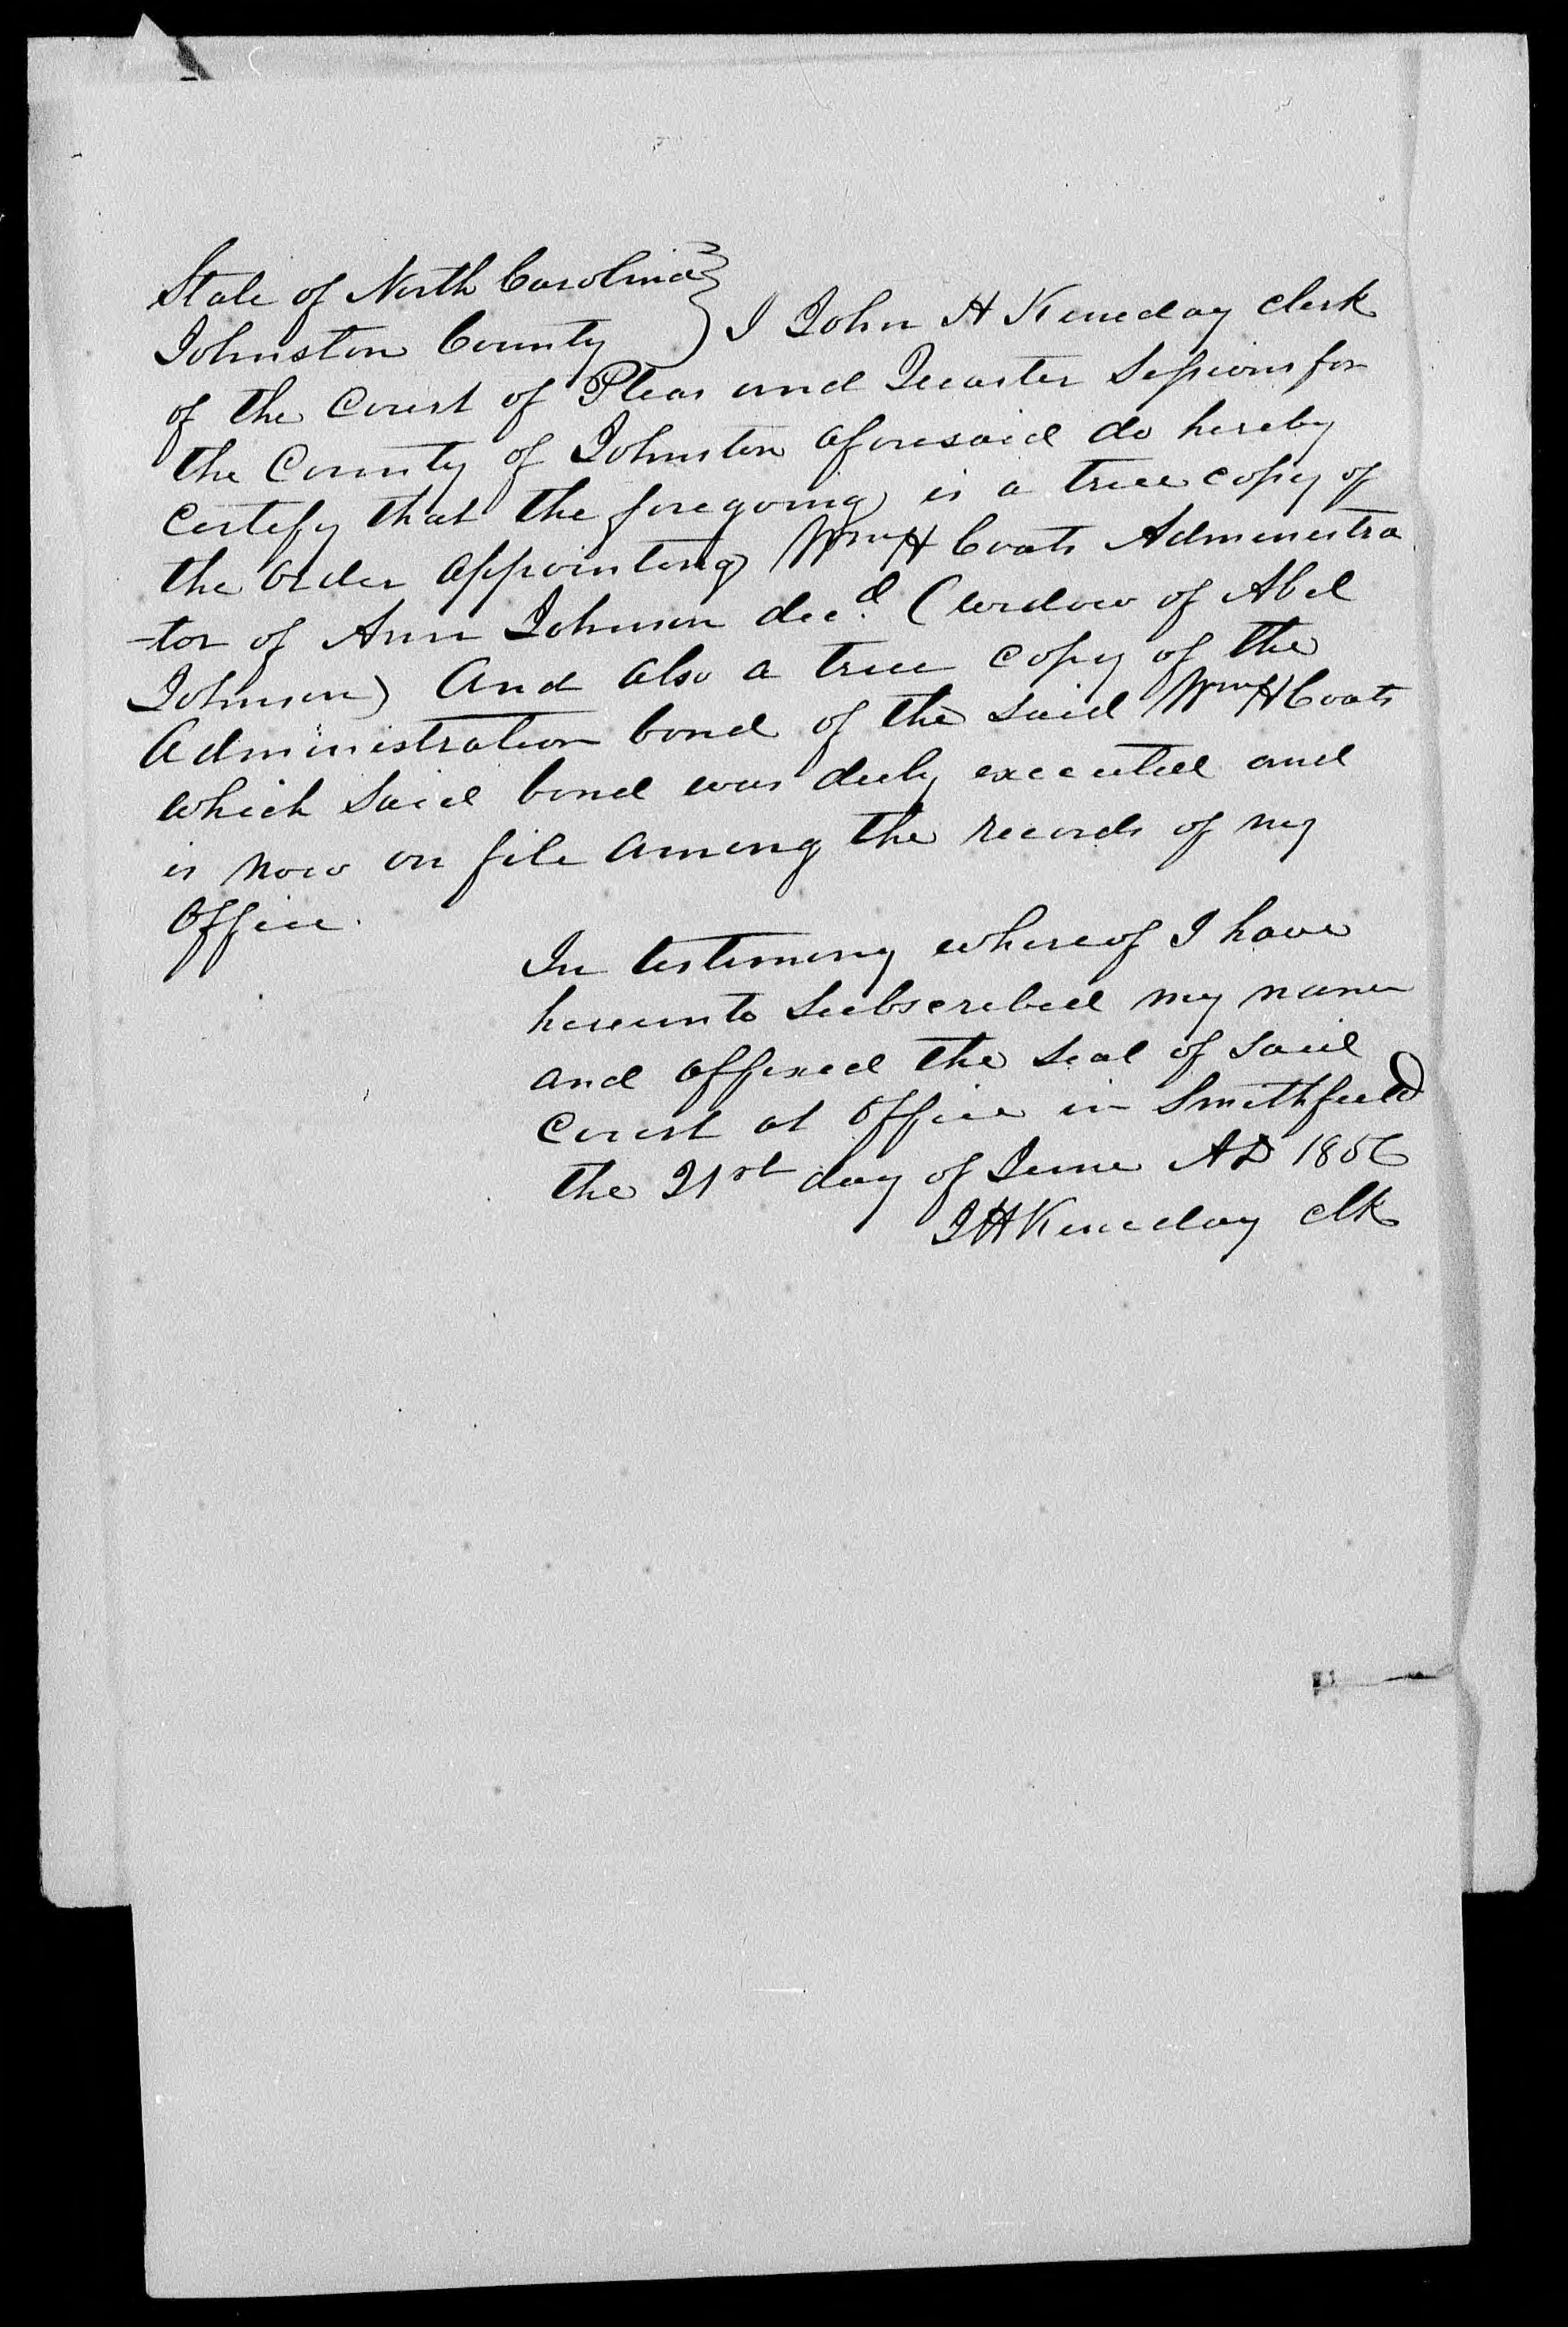State of North Carolina
Johnston County
I, John H. Keneday, Clerk of the Court of Pleas and Quarter Sessions for the County of Johnston aforesaid do hereby certify that the foregoing is a true copy of the order appointing Wm H Coats, Administrator of Ann Johnson deed (widow of Abel Johnson) and also a true copy of the Administrator bond of the said Wm H. Coats, which said bond was duly executed and is now on file among the records of my office.
In testimony whereof, I have hereunto subscribed my name and affixed the seal of said Court of Office in Smithfield the 21st day of June A.D. 1856.
J. H. Keneday, Clerk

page: 69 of 74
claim: rejected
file: R. 5600, for Abel Johnson, North Carolina